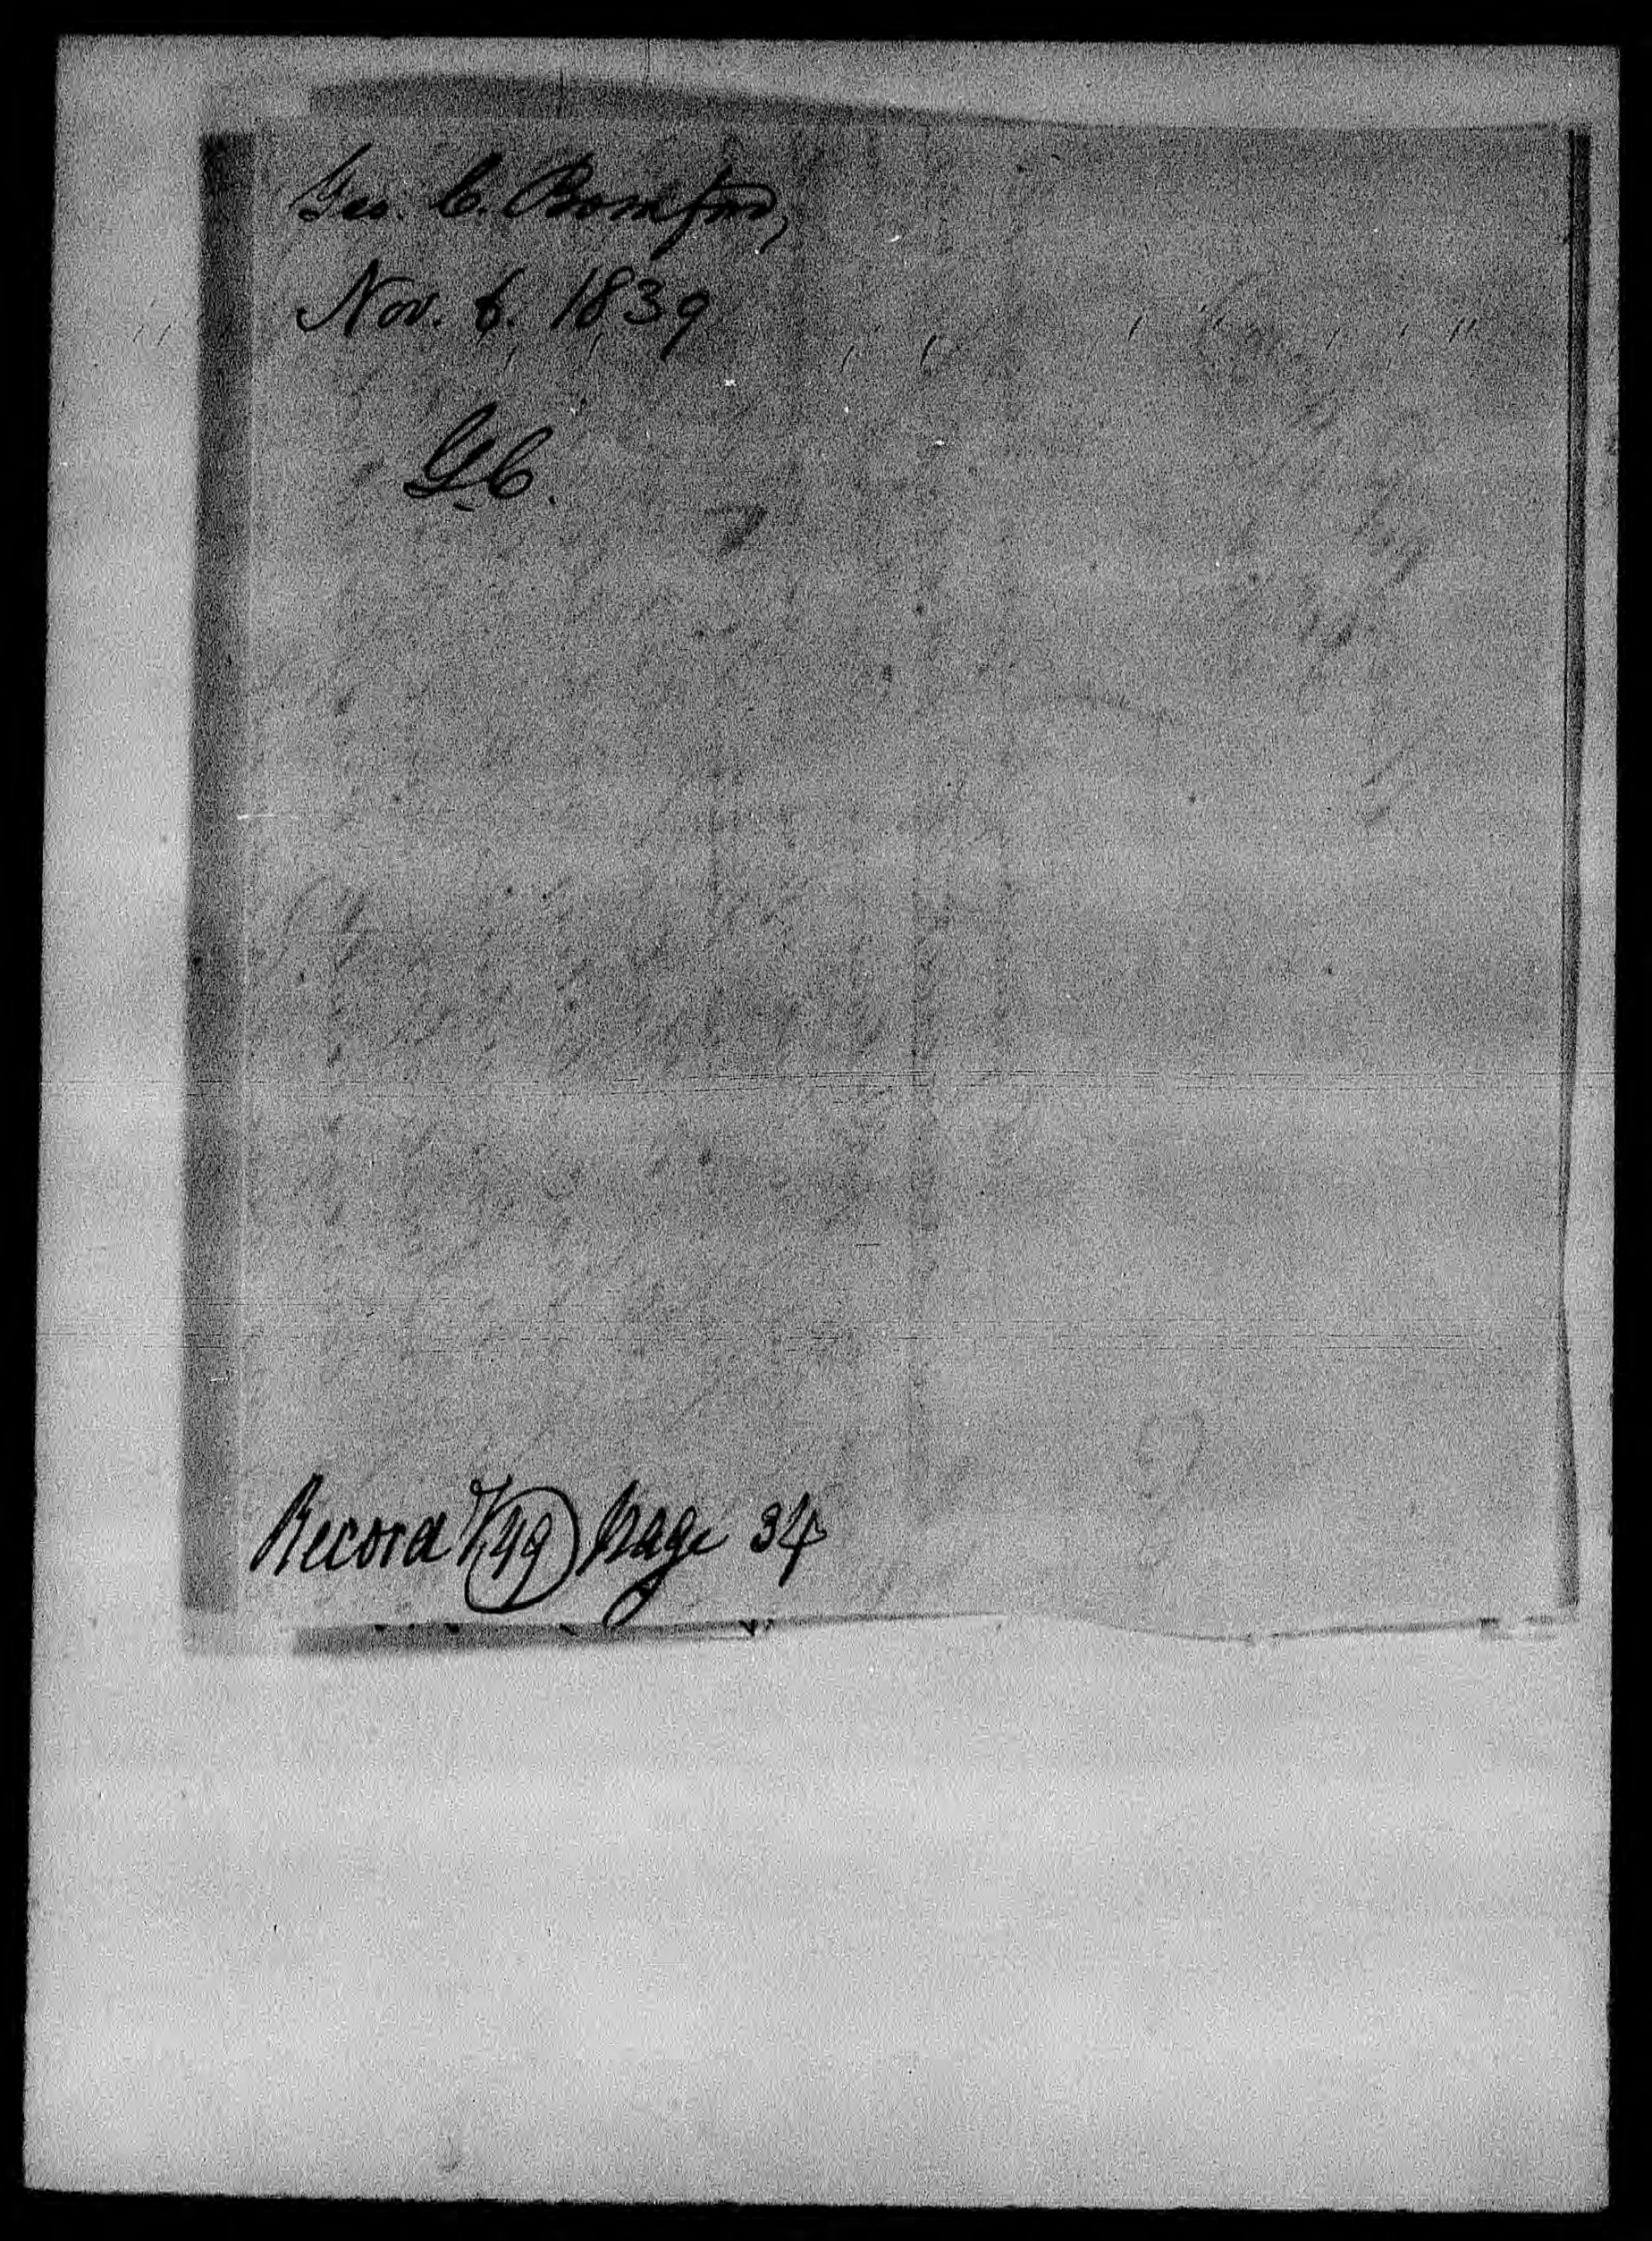Geo. C. Bomford
Nov 6 1839
GC



Record of 49 page 34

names: Geo C Bomford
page: 21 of 27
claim: survivor's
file: S. 17445, James Gregory, Conn.